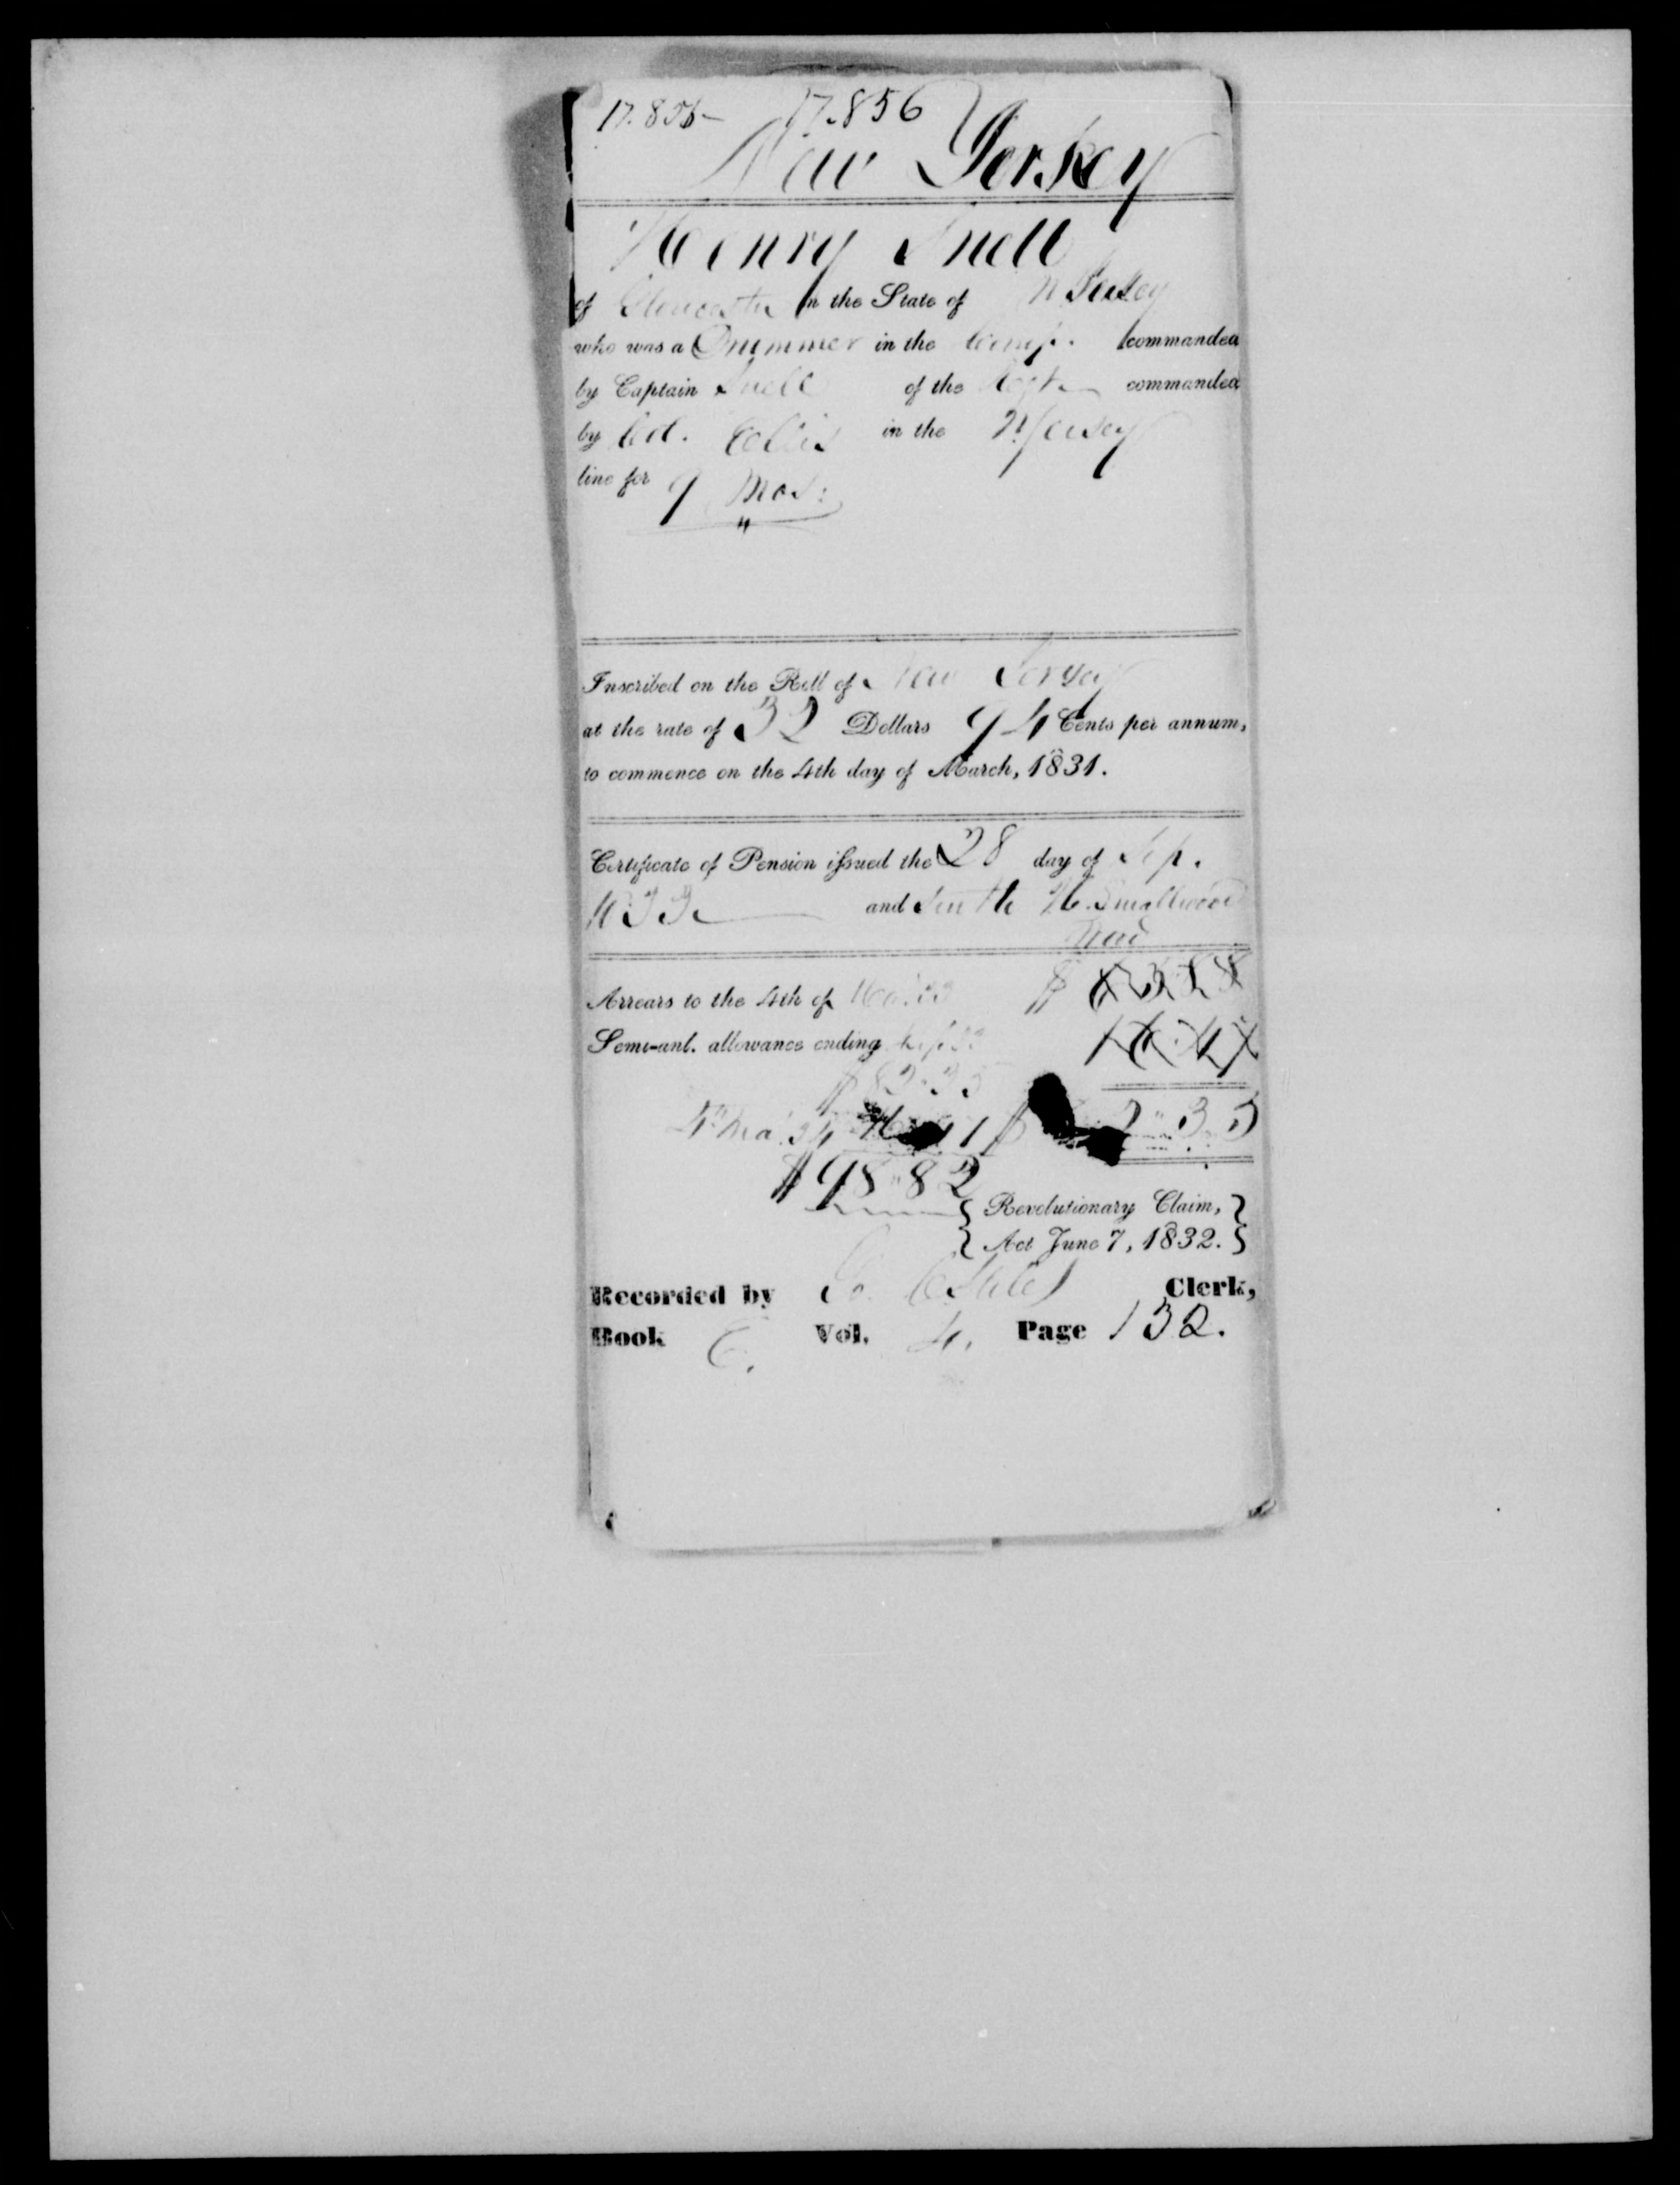17.856-17.856
New Jersey

Henry Snell
of Gloucester in the State of N. Jersey
who was a Drummer in the Corp commanded 
by Captain Snell of the [Regtan] commanded by Col Ellis in the N Jersey line for 9 mon:

Inscribed on the Roll of New Jersey at the rate of 32 Dollars and 94 Cents per annum to commence on the 4th day of March, 1834

Certificate of Pension issued the 28th day of Sep.
[illegible] and [illegible] H Smallwood

Arrears to the 4th of Mar. '33  $xxx.xx
Semi-anl allowance ending [illegible] 33  $xxx.xx
$82.35
4th Mar '34 $16.47    $?2.33

$98.82  
Revoluntionary Claim,
Act June 7, 1832

Recorded by Go Stiles. Clerk
Book E. Vol 4 Page 132.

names: Henry Snell; Go C Stiles; [BLANK] Snell; [BLANK] Ellis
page: 5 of 27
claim: rejected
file: R. 9,892, for Henry Snell, New Jersey